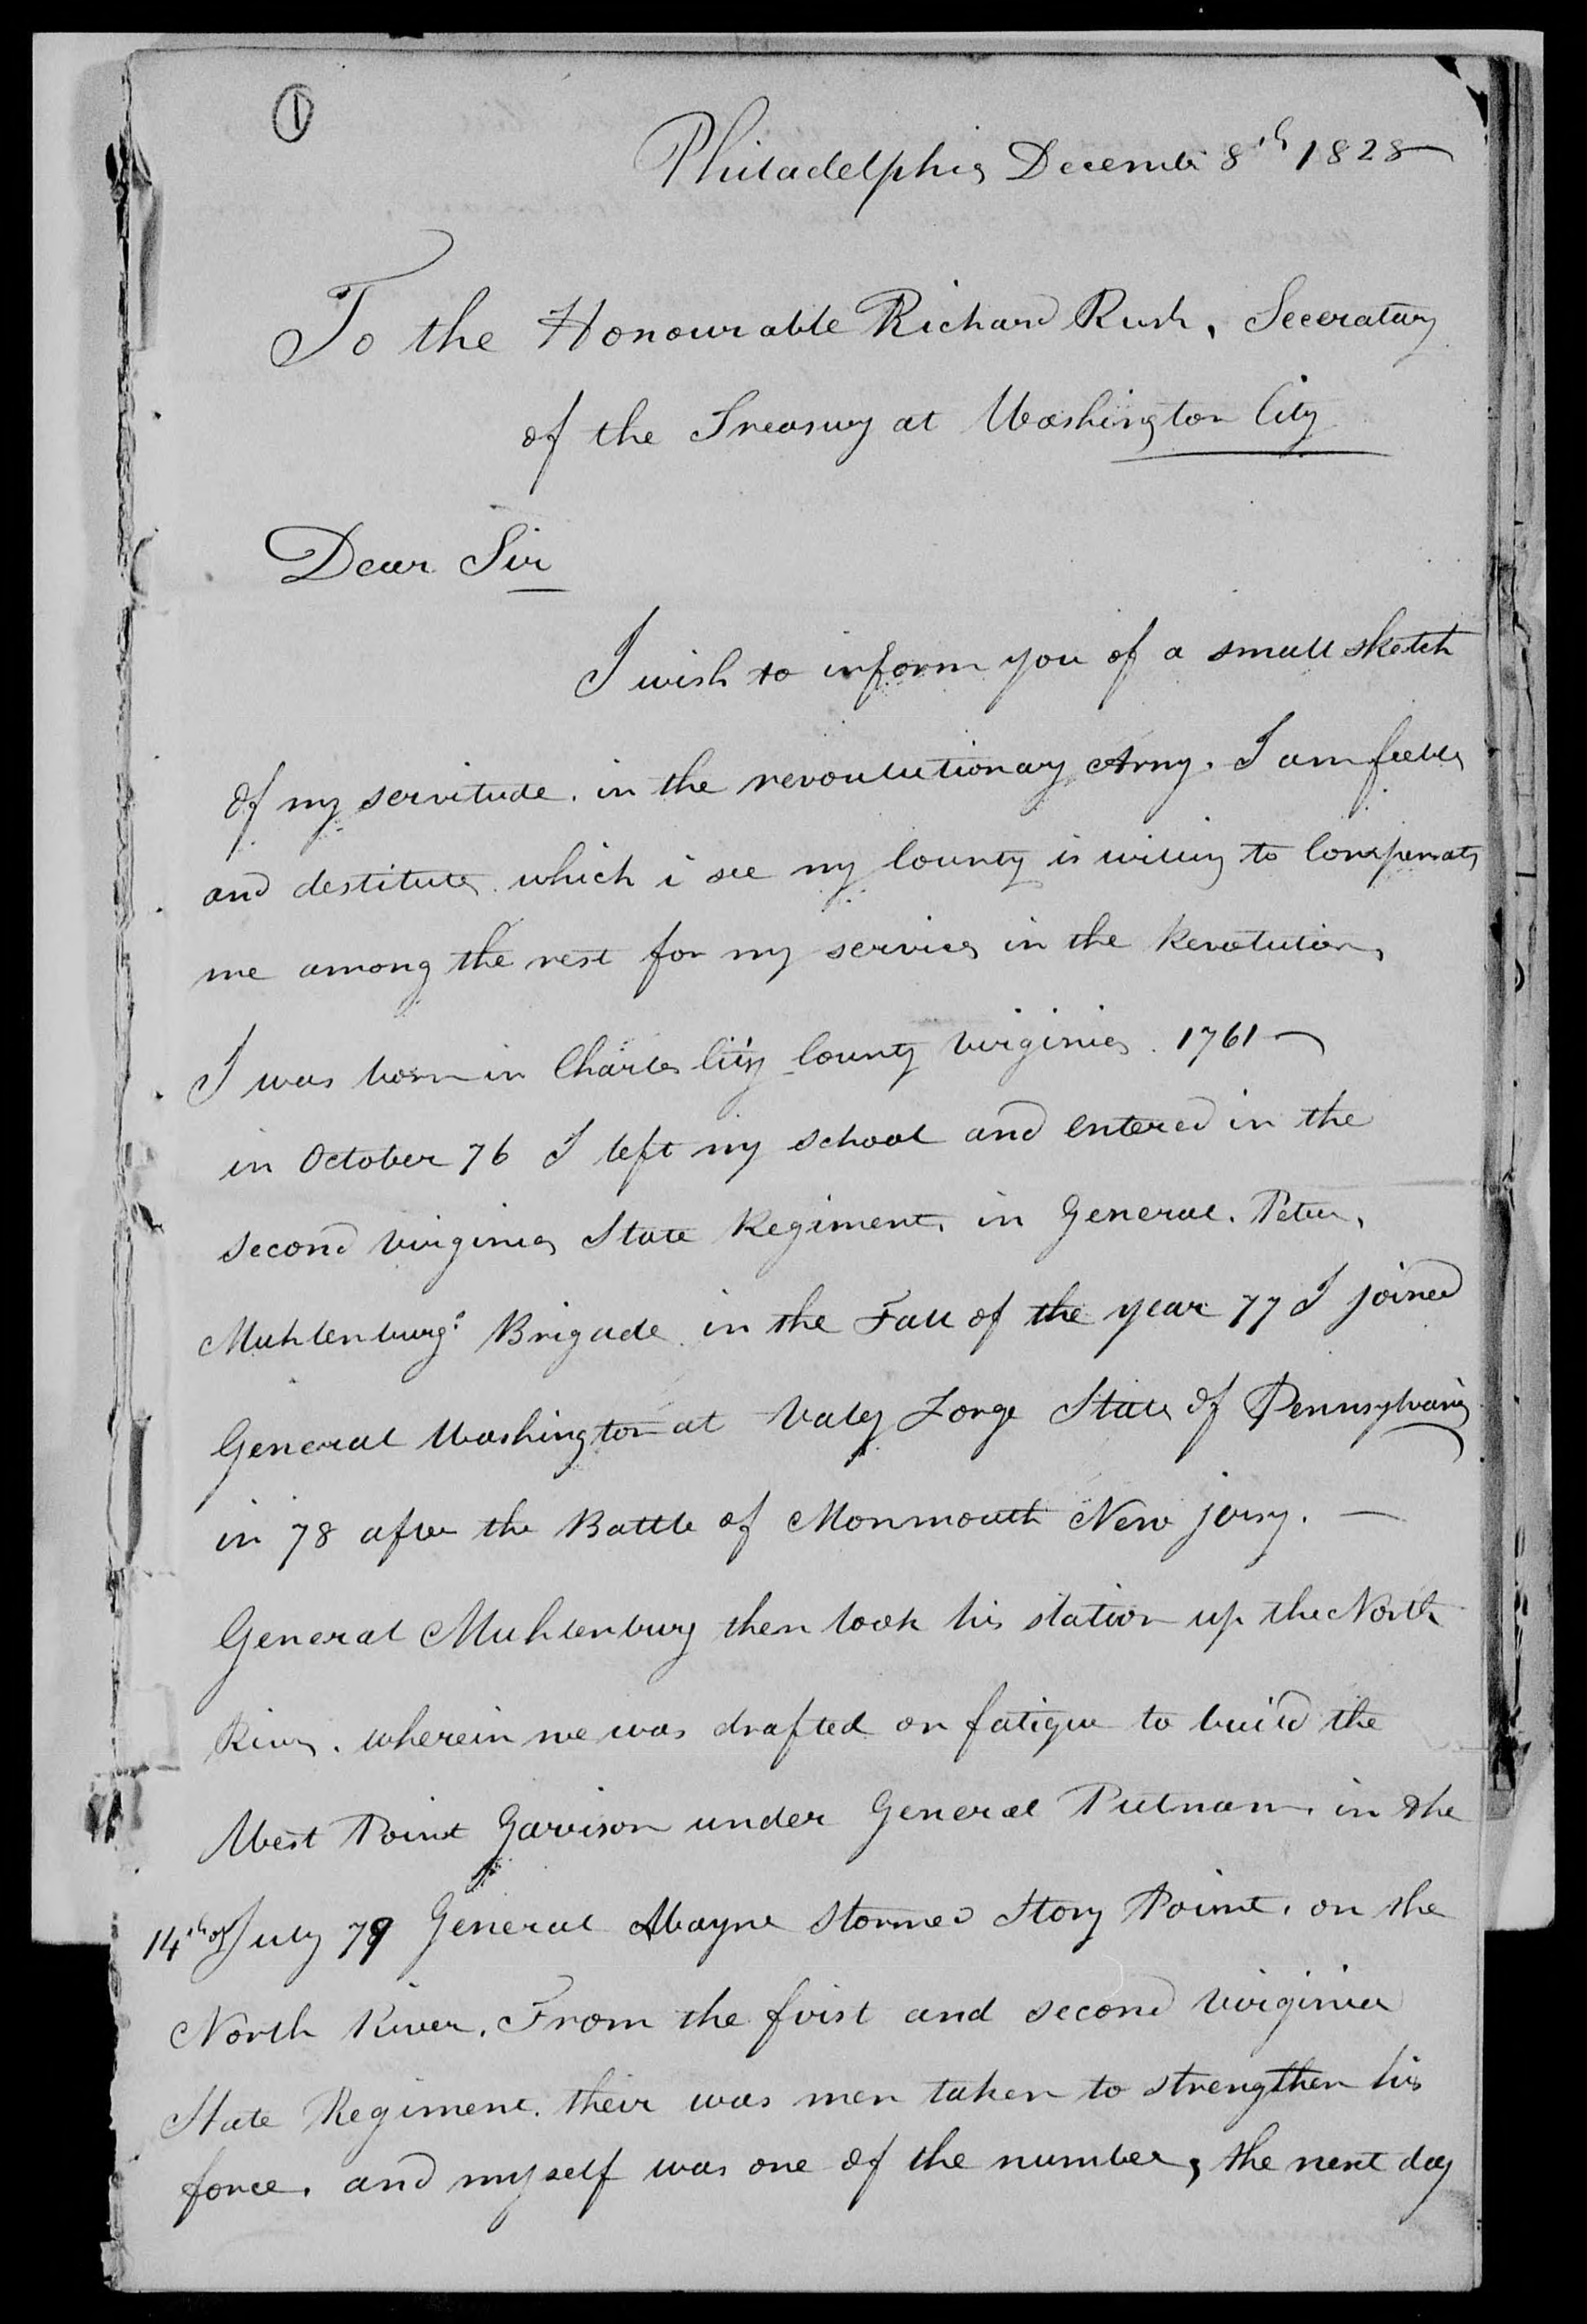Philadelphia December 8th, 1828
To the Honorable Richard Rush, Secretary of the Treasury at Washington City
Dear sir,
I wish to inform you of a small sketch of my servitude in the Revolutionary Army. I am feeble and destitute, which I see my bounty is willing to compensate me among the rest of my services in the Revolution. I was born in Charles City County, Virginia, 1761. In October 1776, I left my school and entered in Second Virginia State Regiment, in General Peter Muhlenberg’s Brigade in the Fall of the year 1777. I joined General Washington at Valley Forge State of Pennsylvania in 1778 after the Battle of Monmouth, New Jersey. 
General Muhlenberg then took his station up the North River, wherein I was drafted on fatigue [duty] to build the West Point garrison under General Putnam in the 14th July 1889. General Wayne Howard Stony Point, on the North River, from the first and second Virginia State Regiments, there were men taken to strengthen his force, and [I] myself was one of the number, the next day,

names: Washington, Muhlenburg, Putnam, Wayne, Richard Rush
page: 38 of 51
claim: widow's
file: W 8939, George Hood, Continental Va.